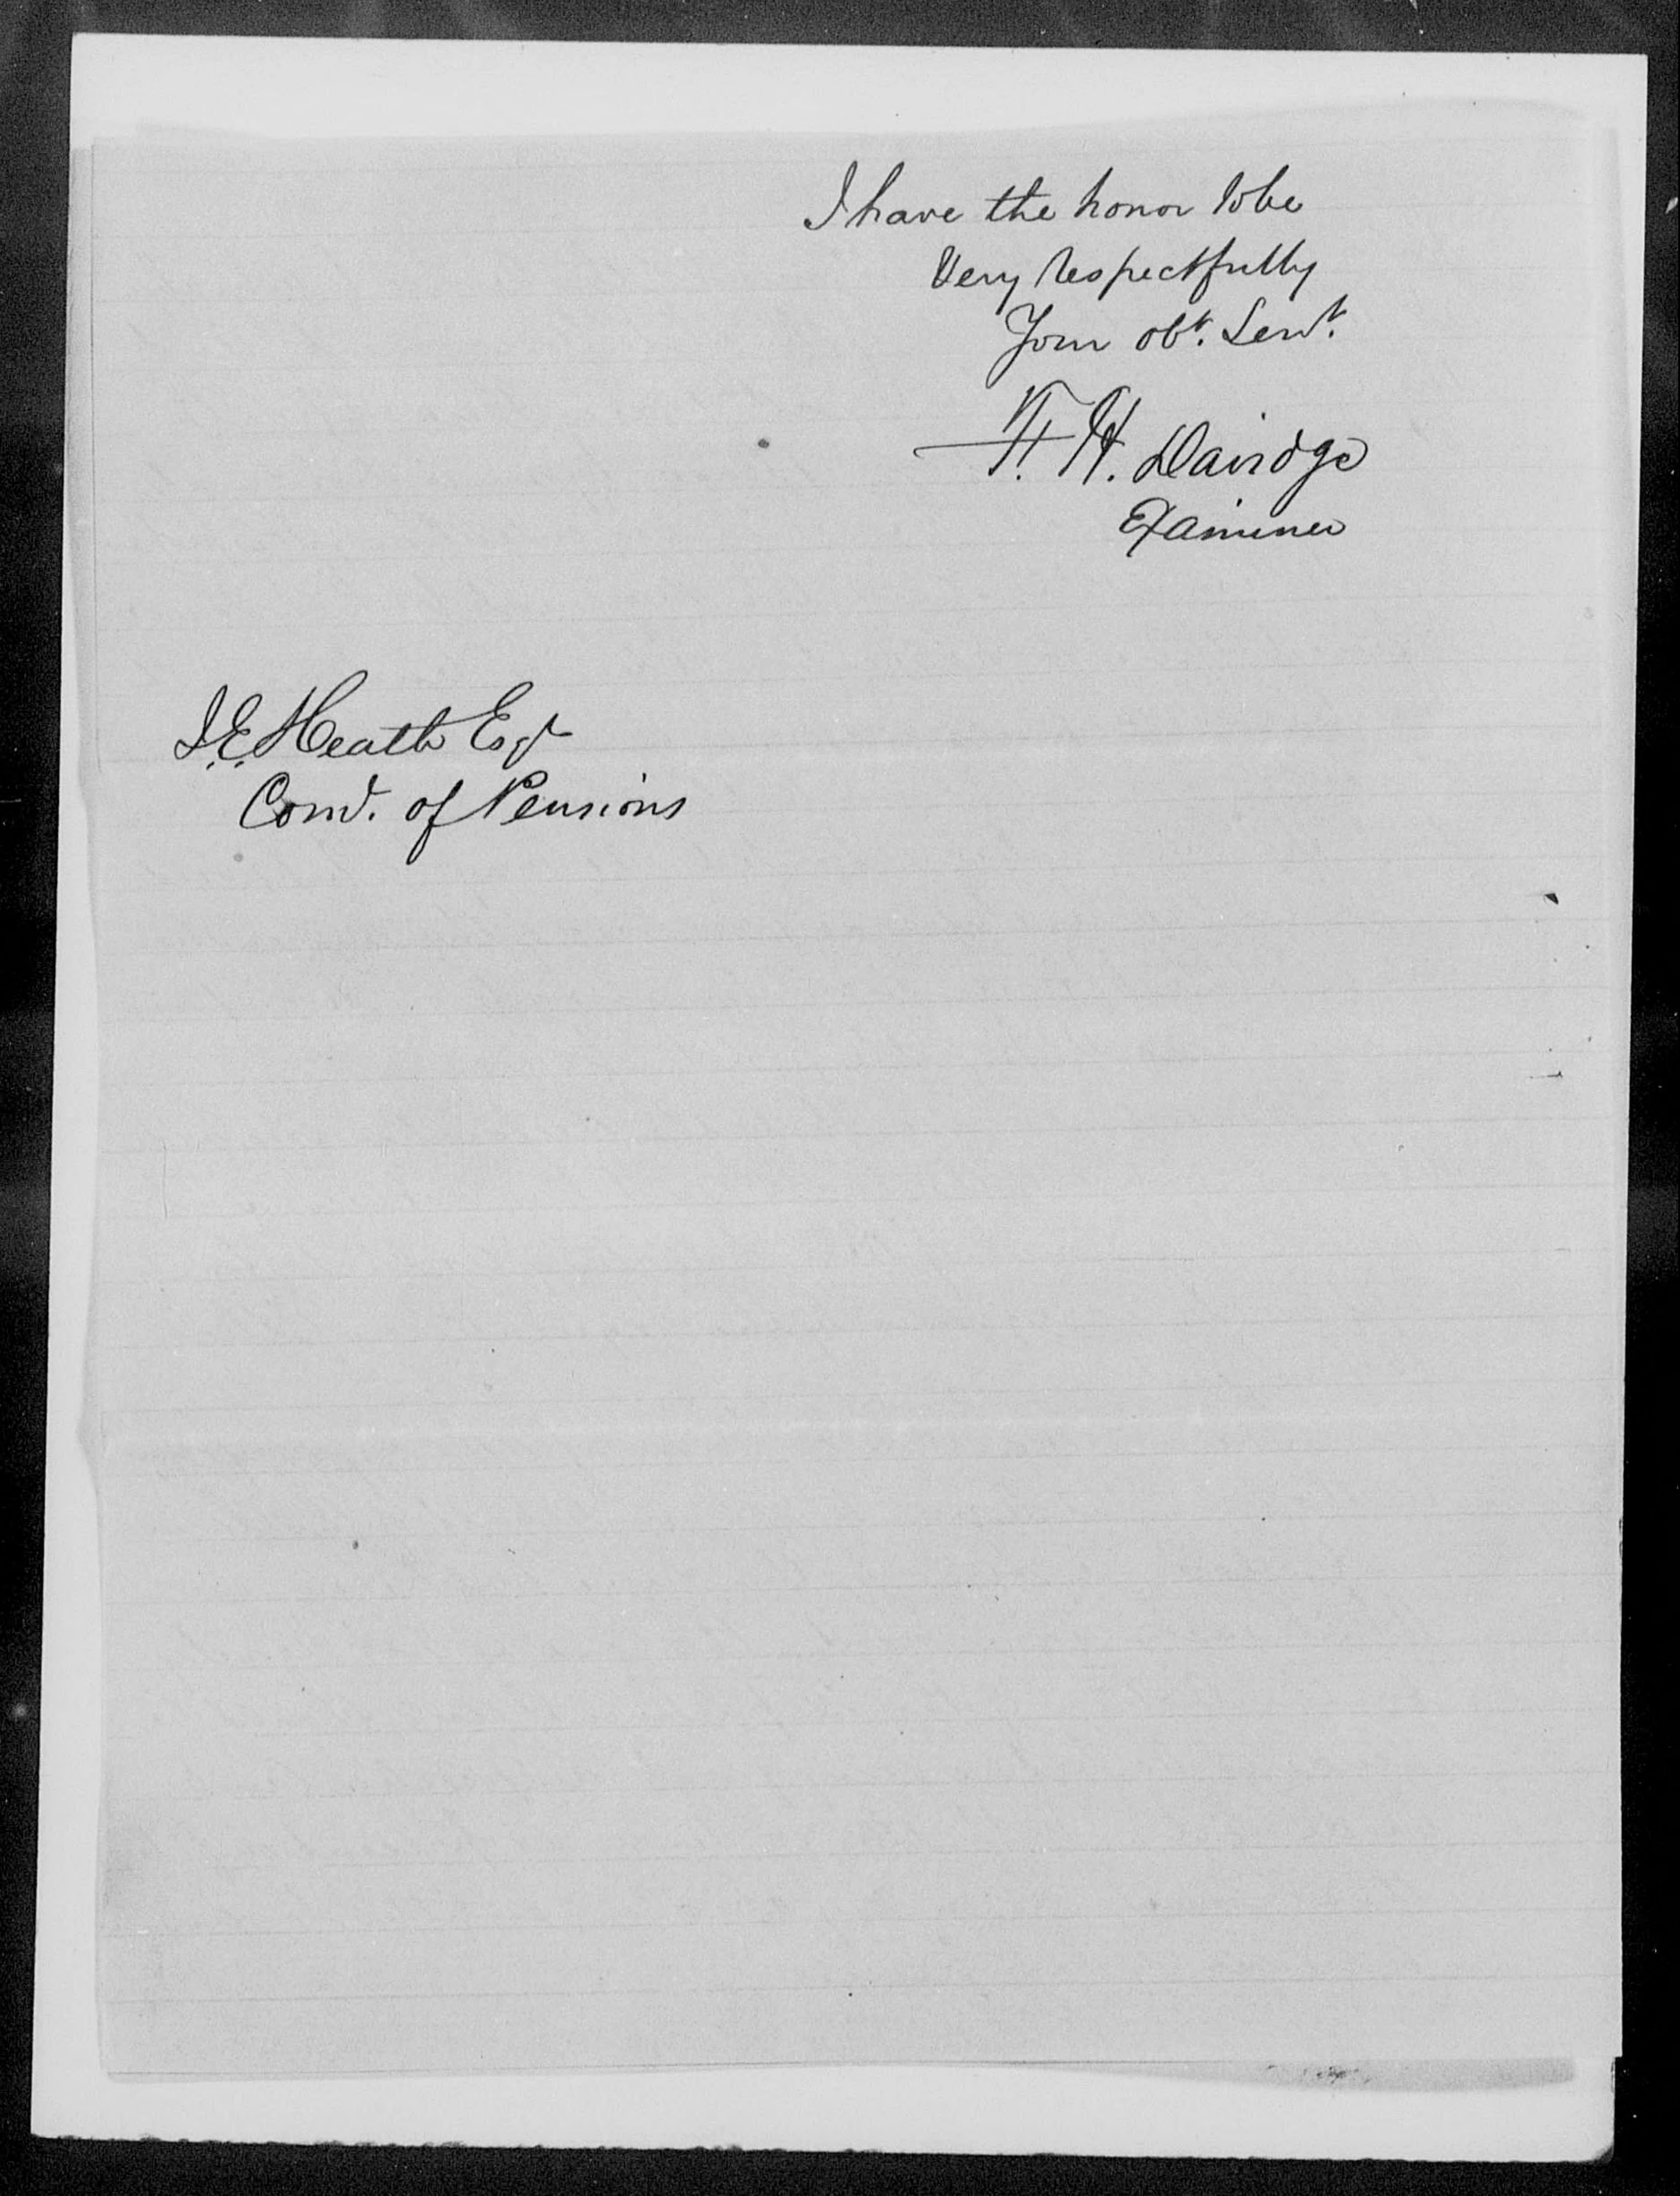I have the honor to be
Very Respectfully
Your obt. Servt.
F. H. Davidge
Examiner

J. E. Heath Esq
Comr. of Pensions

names: F H Davidge, J E Heath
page: 170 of 267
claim: widow's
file: W. 4,149, William Campbell, Va.